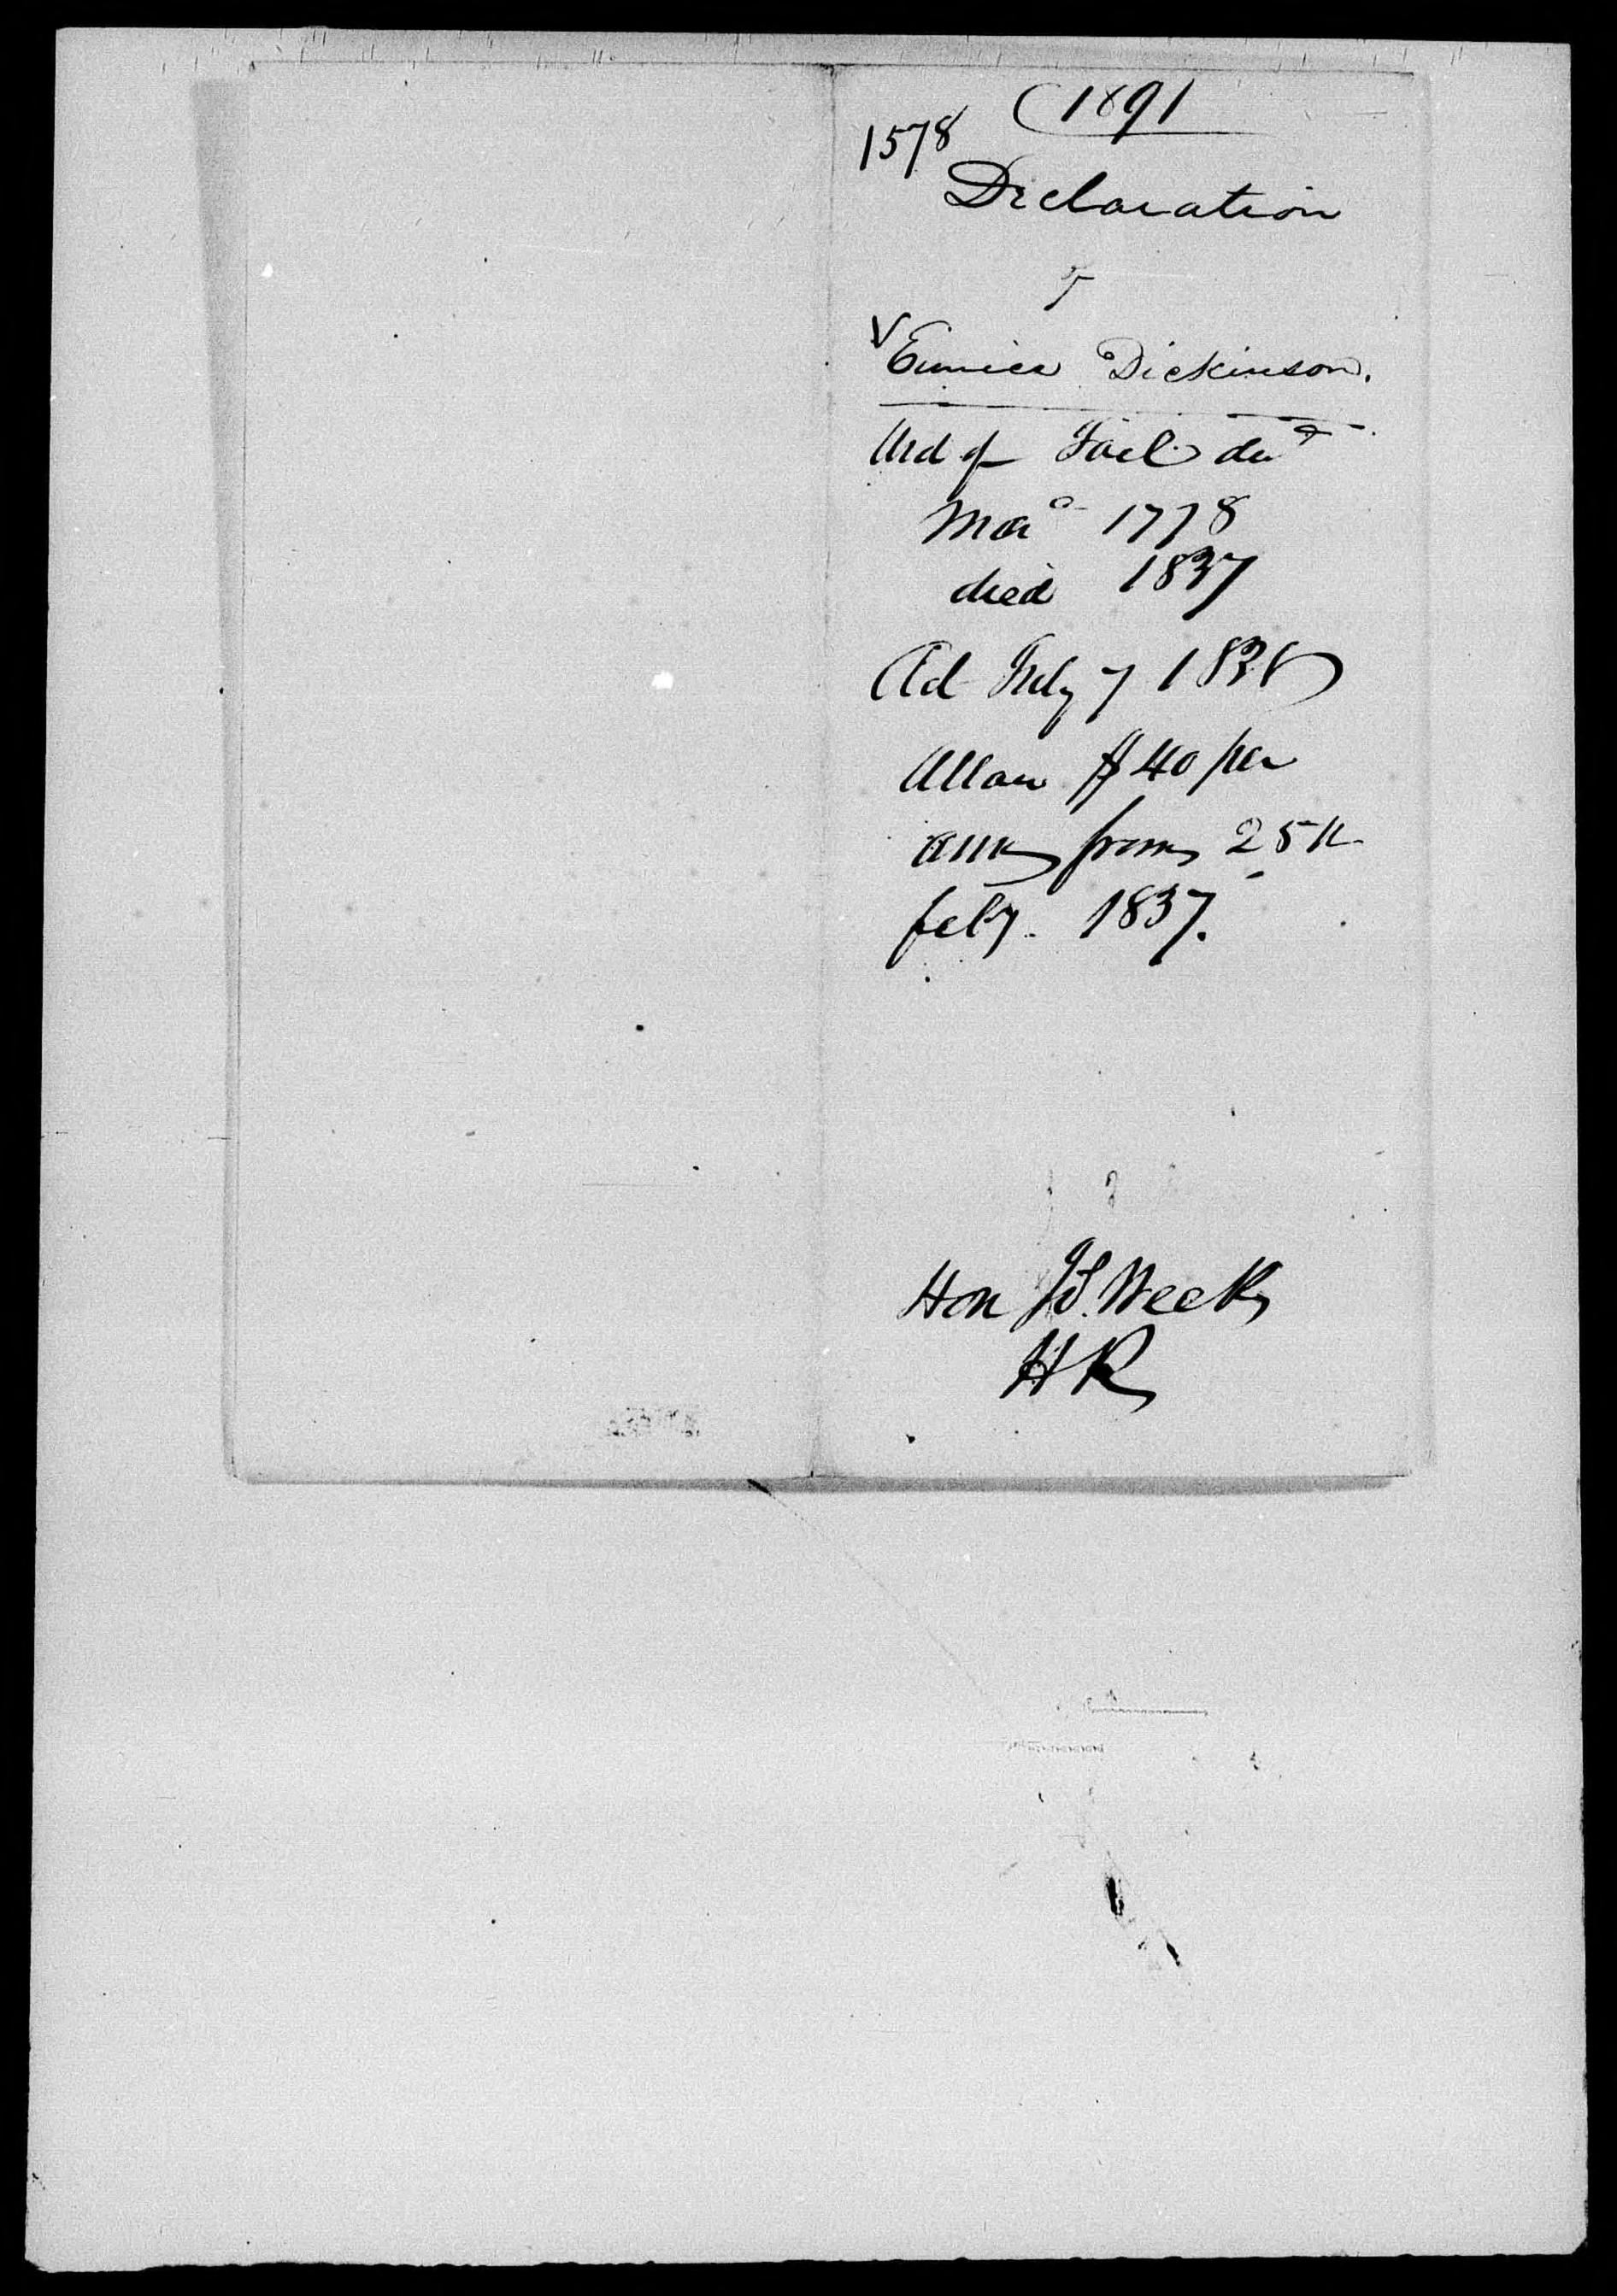1891.


1578  Declaration 
of 
V      Eunice Dickinson
_________________________________
Wid of Joel   dec'd
Ma'd 1778
died 1837
Ad  July 7 1838
allow  $40 PER
annum from 25th
Feby 1837.

Hon J. S. Week
HR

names: Joel Dickinson, Eunice Dickinson, J S Week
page: 8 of 31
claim: widow's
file: W. 22946, Joel Dickinson, Mass.